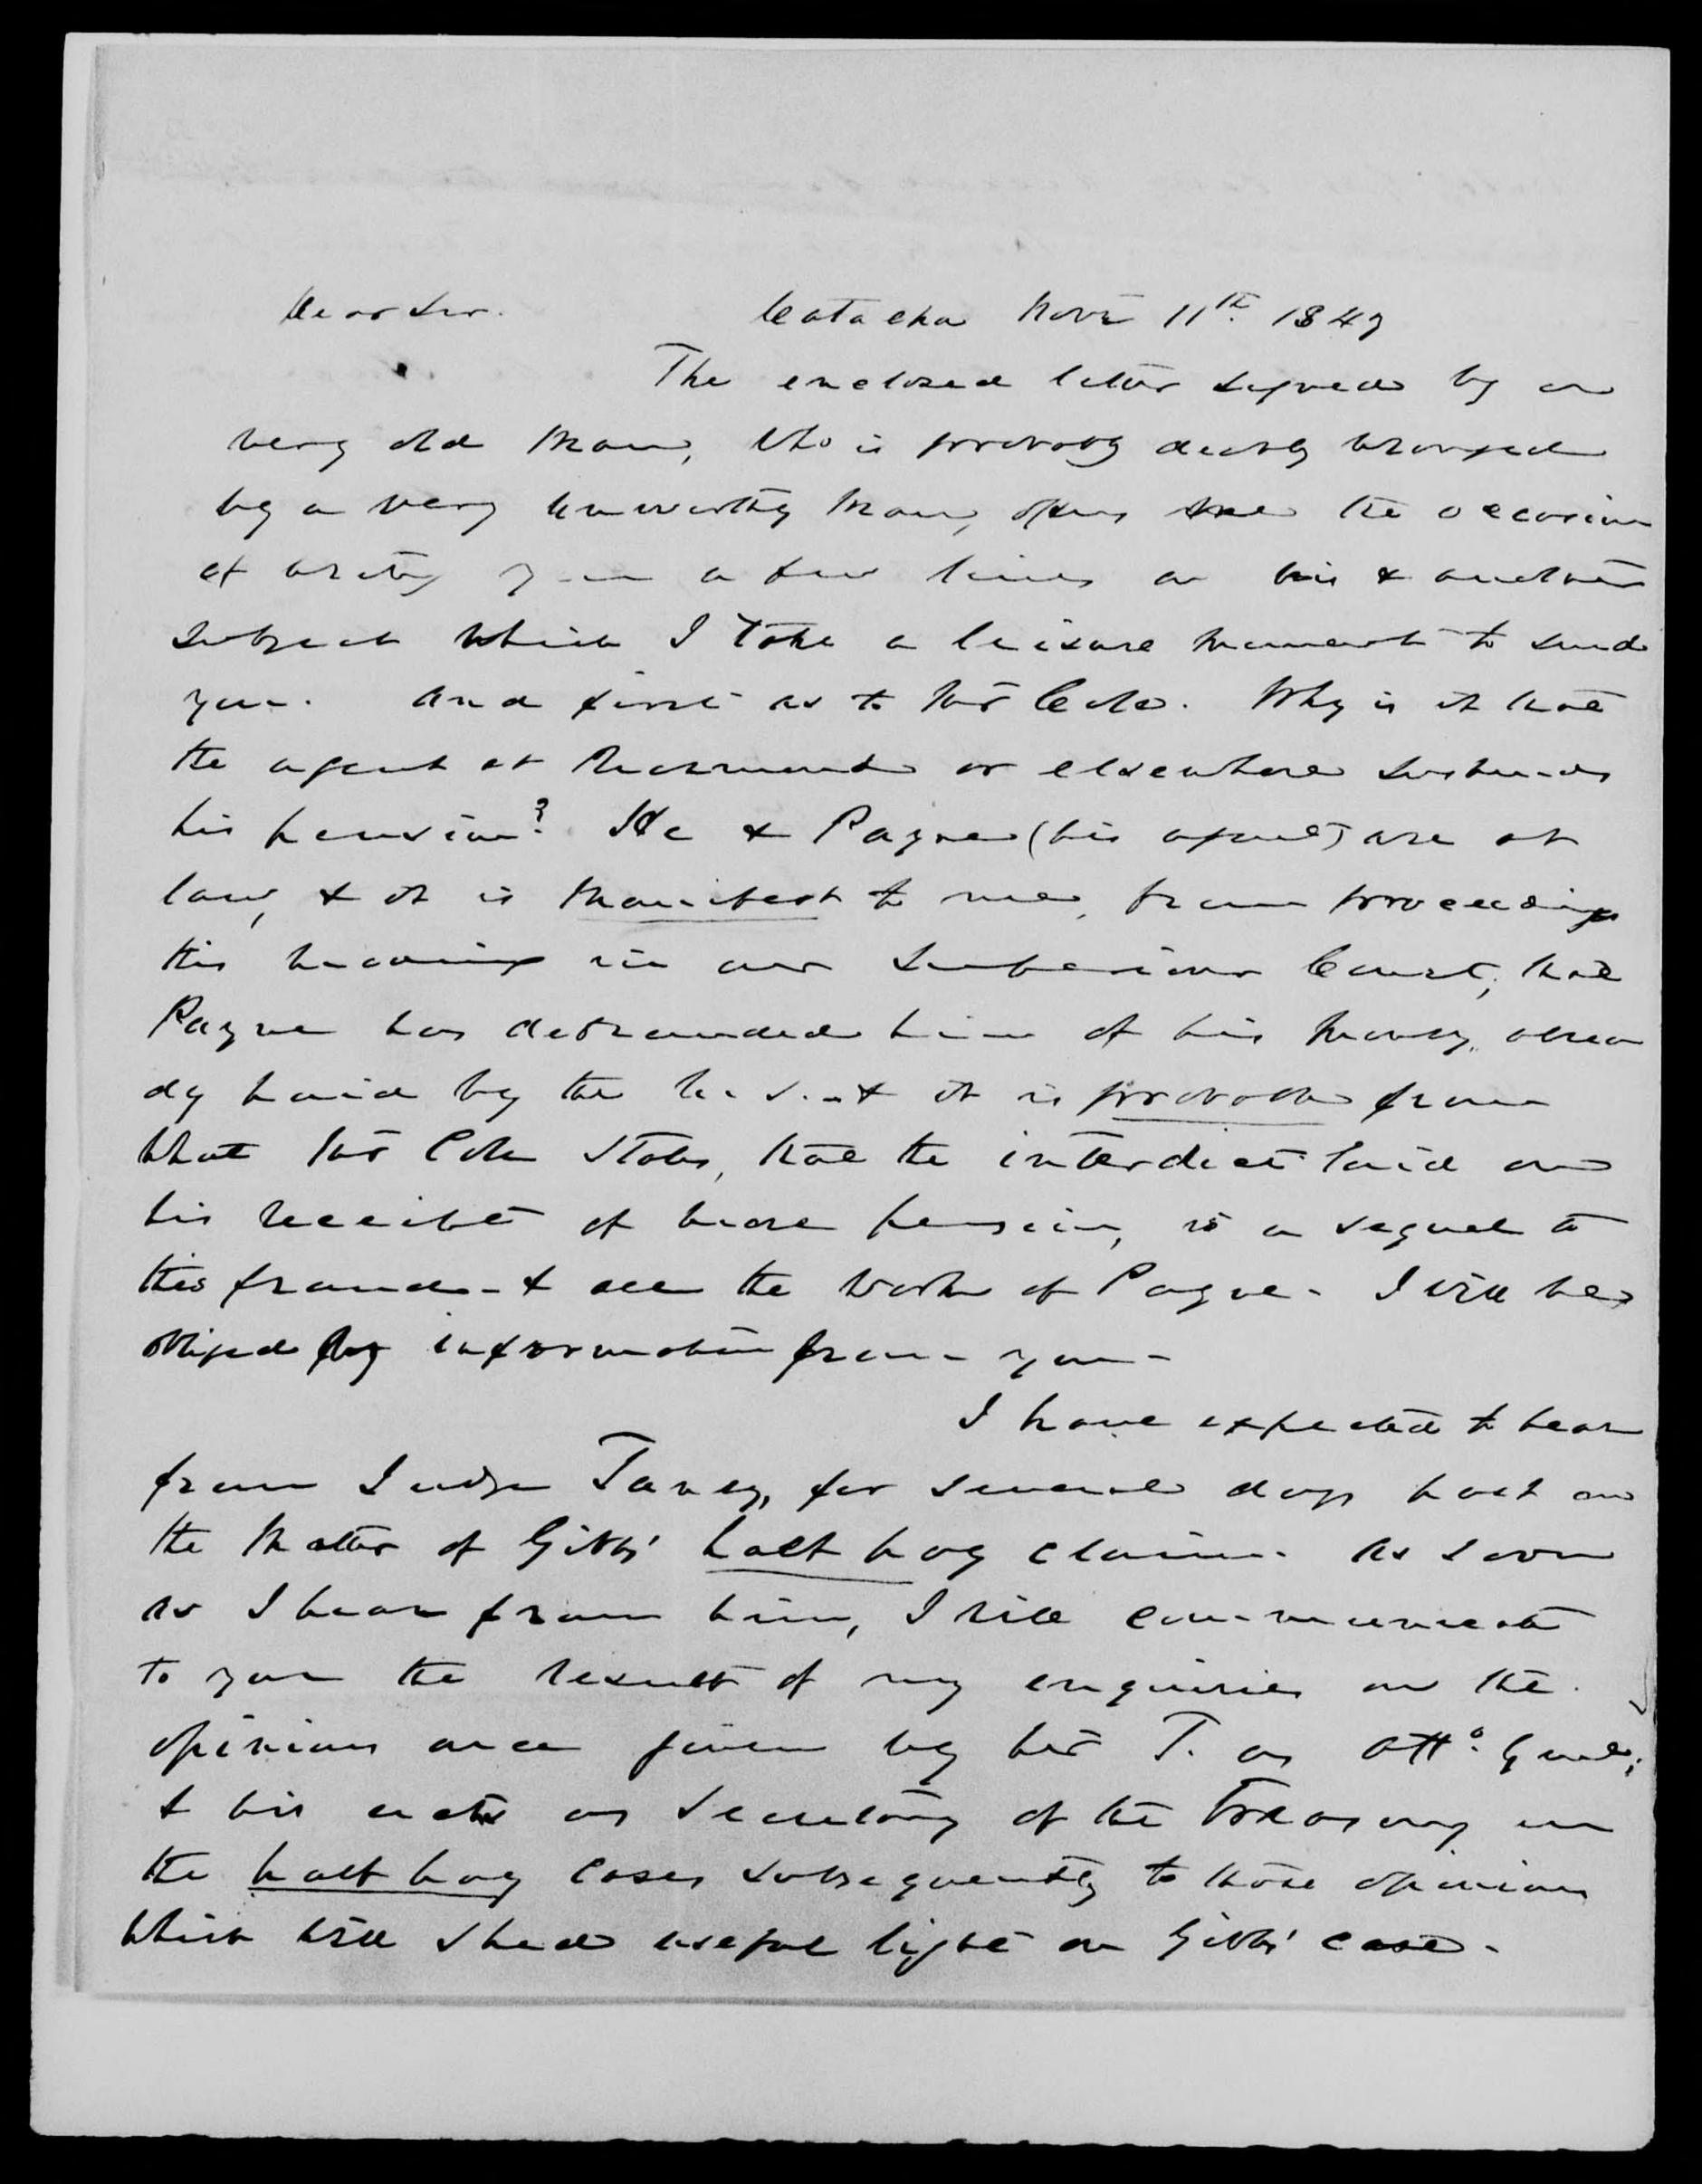Catacha [Catachan] Nove [November] 11th 1842
Dear Sir
The enclosed letter signed by a very old man, who is provably deeply wronged by a very unworthy man, offers the occasion of writing you a few lines in this & another subject which I take a leisure moment to send you. And first as to Mr Cole. Why is it that the agent at Richmond or elsewhere rejected his pension? He & Payne (his agent) are at law & it is manifest to me from proceedings his hearing is in a Superior Court, that Payne has defrauded him of his money [5 illegible words] & it is provable from what Mr Cole states that he interdicted on his receipt of [illegible] pension  is a sequel to this fraud & all the work of Payne. I will be  obliged by information from you
I have expected to hear from Judge Taney, for several days past on the matter of Gibbs half pay claim. As soon as I hear from him, I will communicate to you the result of my enquiries in the opinions by [illegible] T. [Taney] or atto [attorney] Genl [General] and his acts as Secretaryo f the Treasury in the half pay cases subsequently to those opinions which will shed useful light on given cases.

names: Cole, Taney, Payne, Payne, Gibb, Gibb, Payne, Cole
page: 41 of 61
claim: survivor's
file: S. 8236, Daniel Cole, Va.